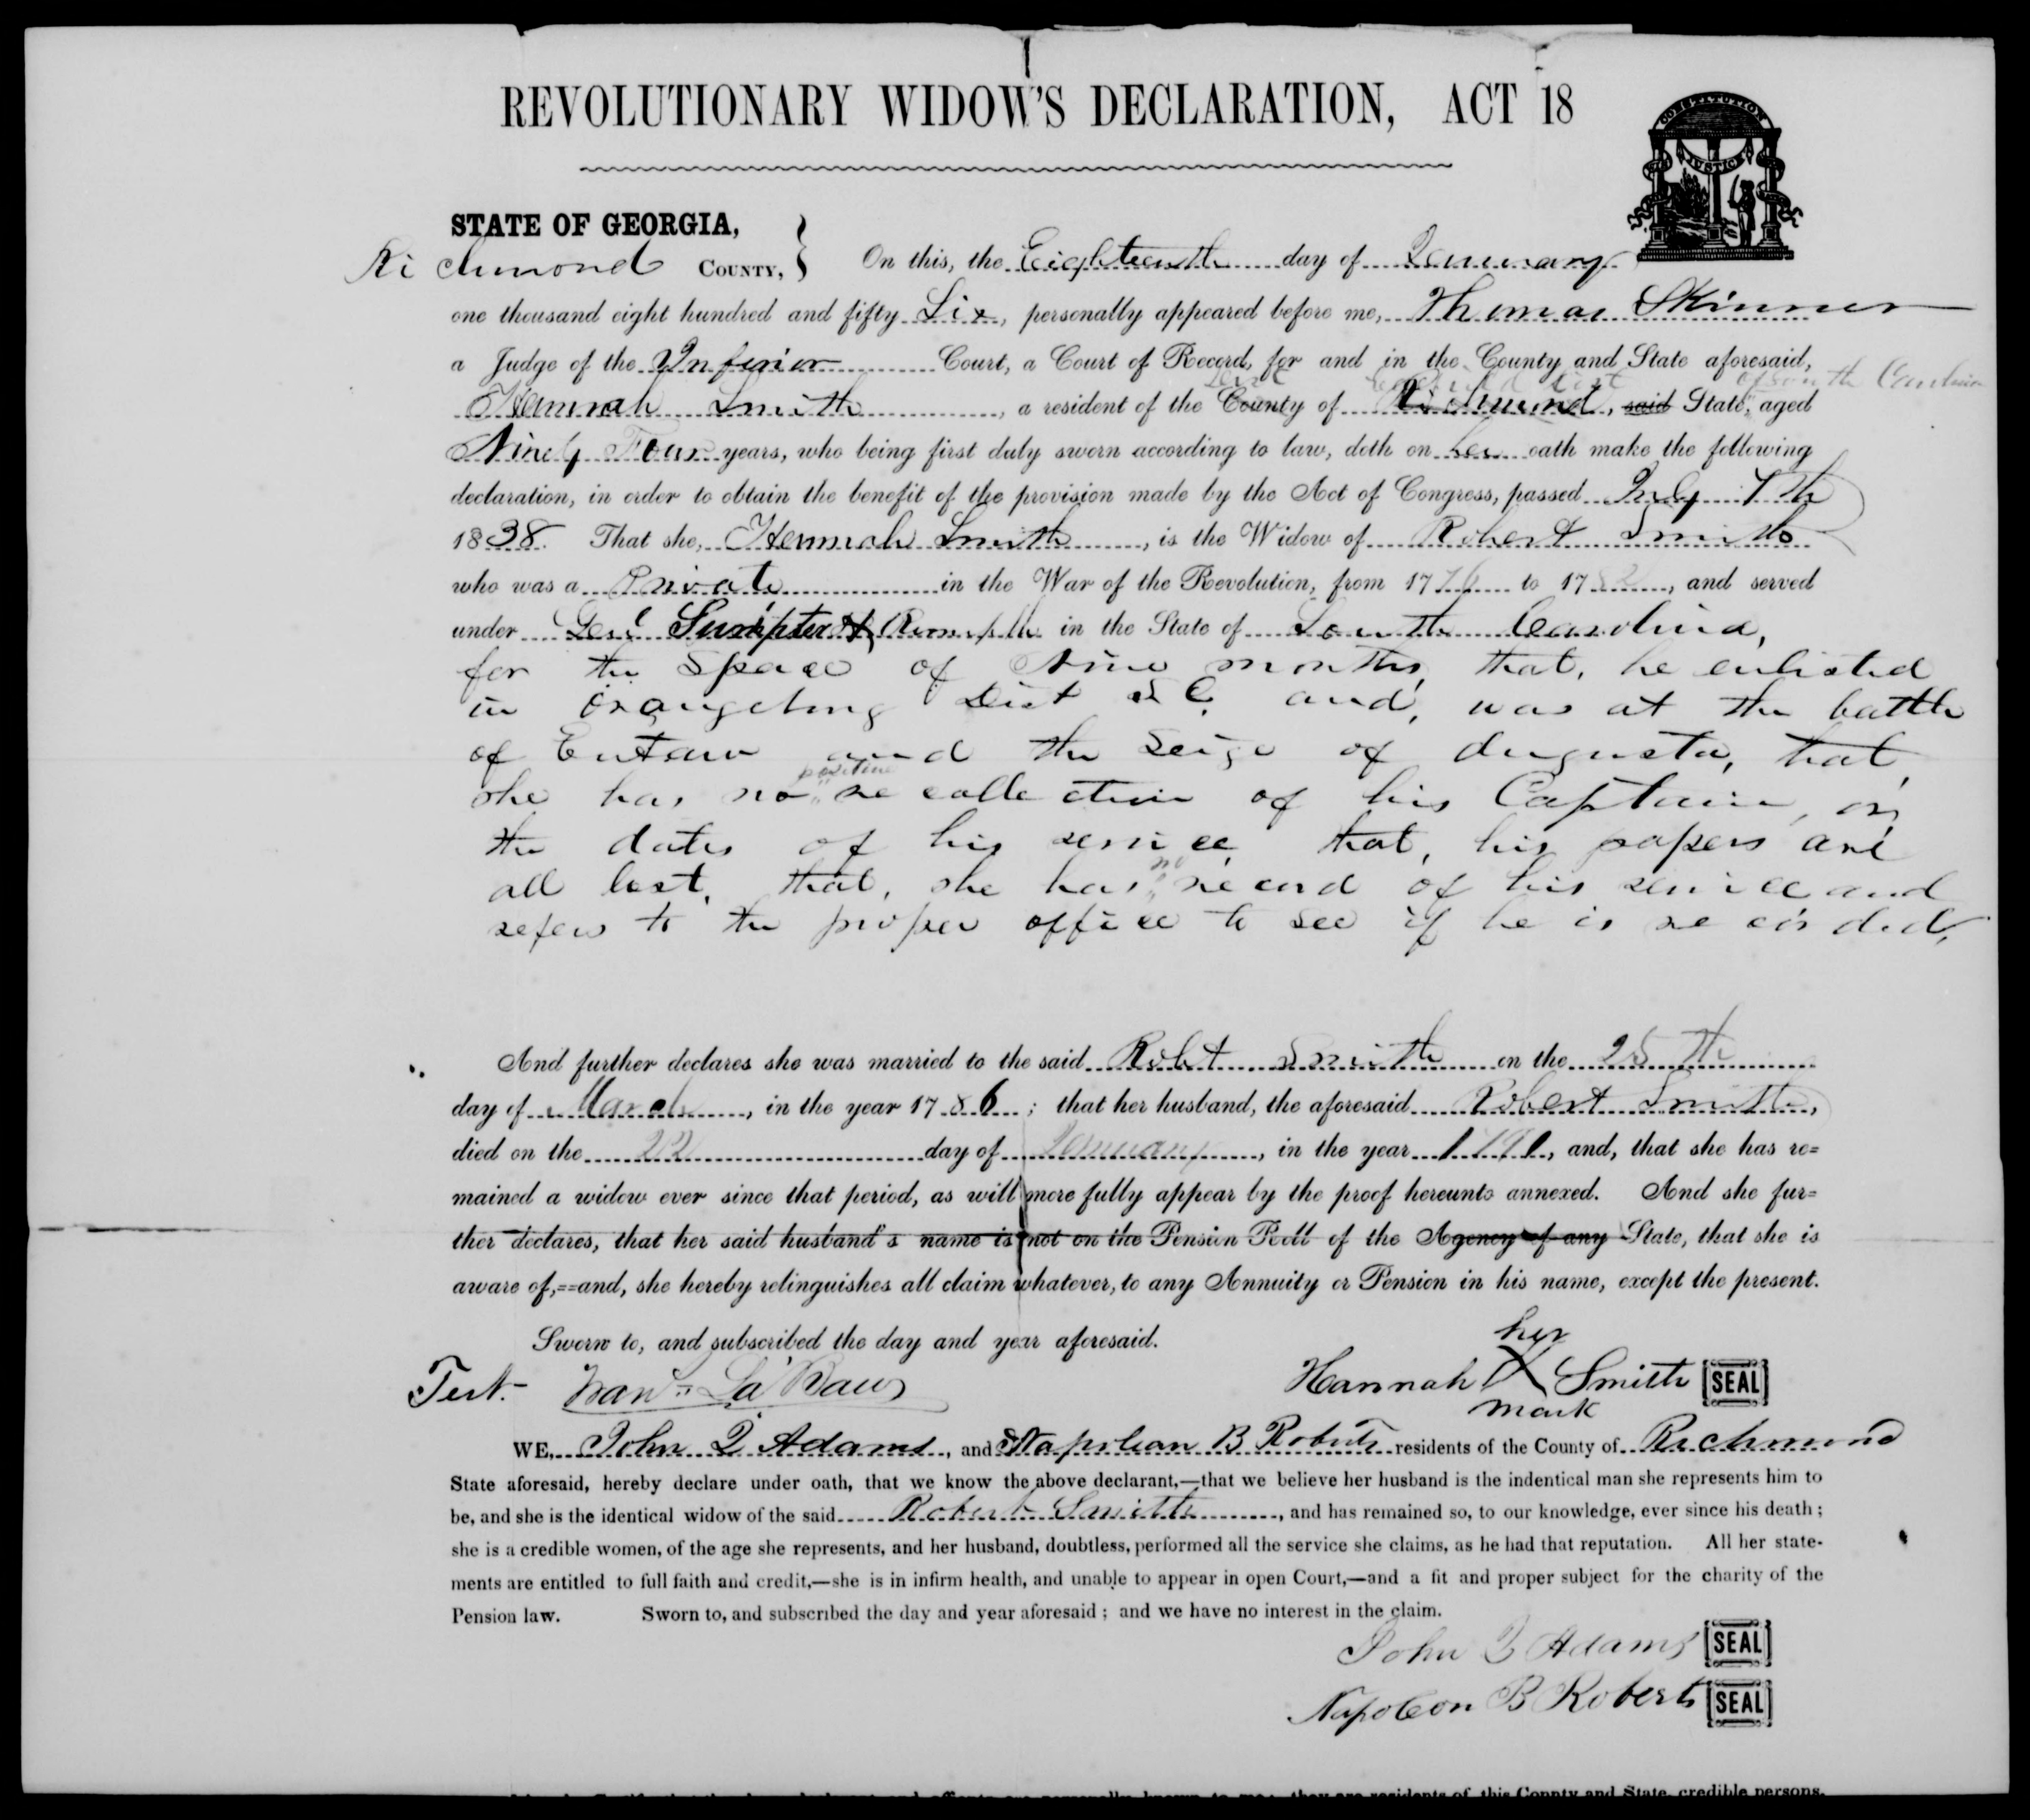REVOLUTIONARY WIDOW'S DECLARATION ACT 18

STATE OF GEORGIA,
Richmond County 
On this the Eighteenth day of January one thousand eight hundred and fifty Six, personally appeared before me, Thomas Skinner, a Judge of the Inferior Court, a Court of Record, for and in the County and State aforesaid, Hannah Smith a resident of the Dist of Orangeburg Dist and State of South Carolina, aged Ninety Four years, who being first duly sworn according to law, doth on her oath make the following declaration, in order to obtain the benefit of the provision made by the Act of Congress, passed July 7th 1838. That she, Hannah Smith is the Widow of Robert Smith who was a Private in the War of the Revolution, from 1776 to 1782, and served under Genl Sumpter & Rumpth in the State of South Carolina for the space of nine months, that, he enlisted in Orangeburg Dist S.C. and, was at the battle of Eutaw and the Siege of Augusta, that she has no positive recollection of his Captain, or the dates of his service, that, his papers are all lost, that she has no record of his service and refers to the proper office to see if he is recorded.

And further declares she was married to the said Robt Smith on the 25th
day of March in the year 1786; that her husband, the aforesaid Robert Smith died on the 22 day of January, in the year 1791, and, that she has remained a widow ever since that period, as will more fully appear by the proof hereunto annexed. And she further declares, that her said husband's name is not on the Pension Roll of the Agency of any State, that she is aware of, and, she hereby relinquishes all claim whatever, to any Annuity or Pension in his name, except the present.

Sworn to, and subscribed the day and year aforesaid.
Test. Manl. La Baws
Hannah Smith her mark X (SEAL)

WE, John Q Adams, and Napolean B Roberts residents of the County of Richmond and State aforesaid, hereby declare under oath, that we know the above declarant, that we believe her husband is the identical man she represents him to be, and she is the identical widow of the said Robert Smith and has remained so, to our knowledge, ever since his death; she is a credible women, of the age he represents, and her husband, doubtless, performed all the service she claims, as he had that reputation. All her statements are entitled to full faith and credit, she is in infirm health, and unable to appear in open Court, and a fit and proper subject for the charity of the Pension law. Sworn to, and subscribed the day and year aforesaid; and we have no interest in the claim.

John Q Adams (SEAL)
Napoleon B Roberts (SEAL)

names: Hannah Smith; Robert Smith; [BLANK] Sumpter; Robert Smith; Napolean B Roberts; [BLANK] Rumpth; Robt Smith; Hannah Smith; John Q Adams; Hannah Smith; John Q Adams; Frans La Baw; Napoleon B Roberts; Robert Smith; Thomas Skinner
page: 3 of 28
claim: rejected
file: R. 9744, for Robert Smith, South Carolina